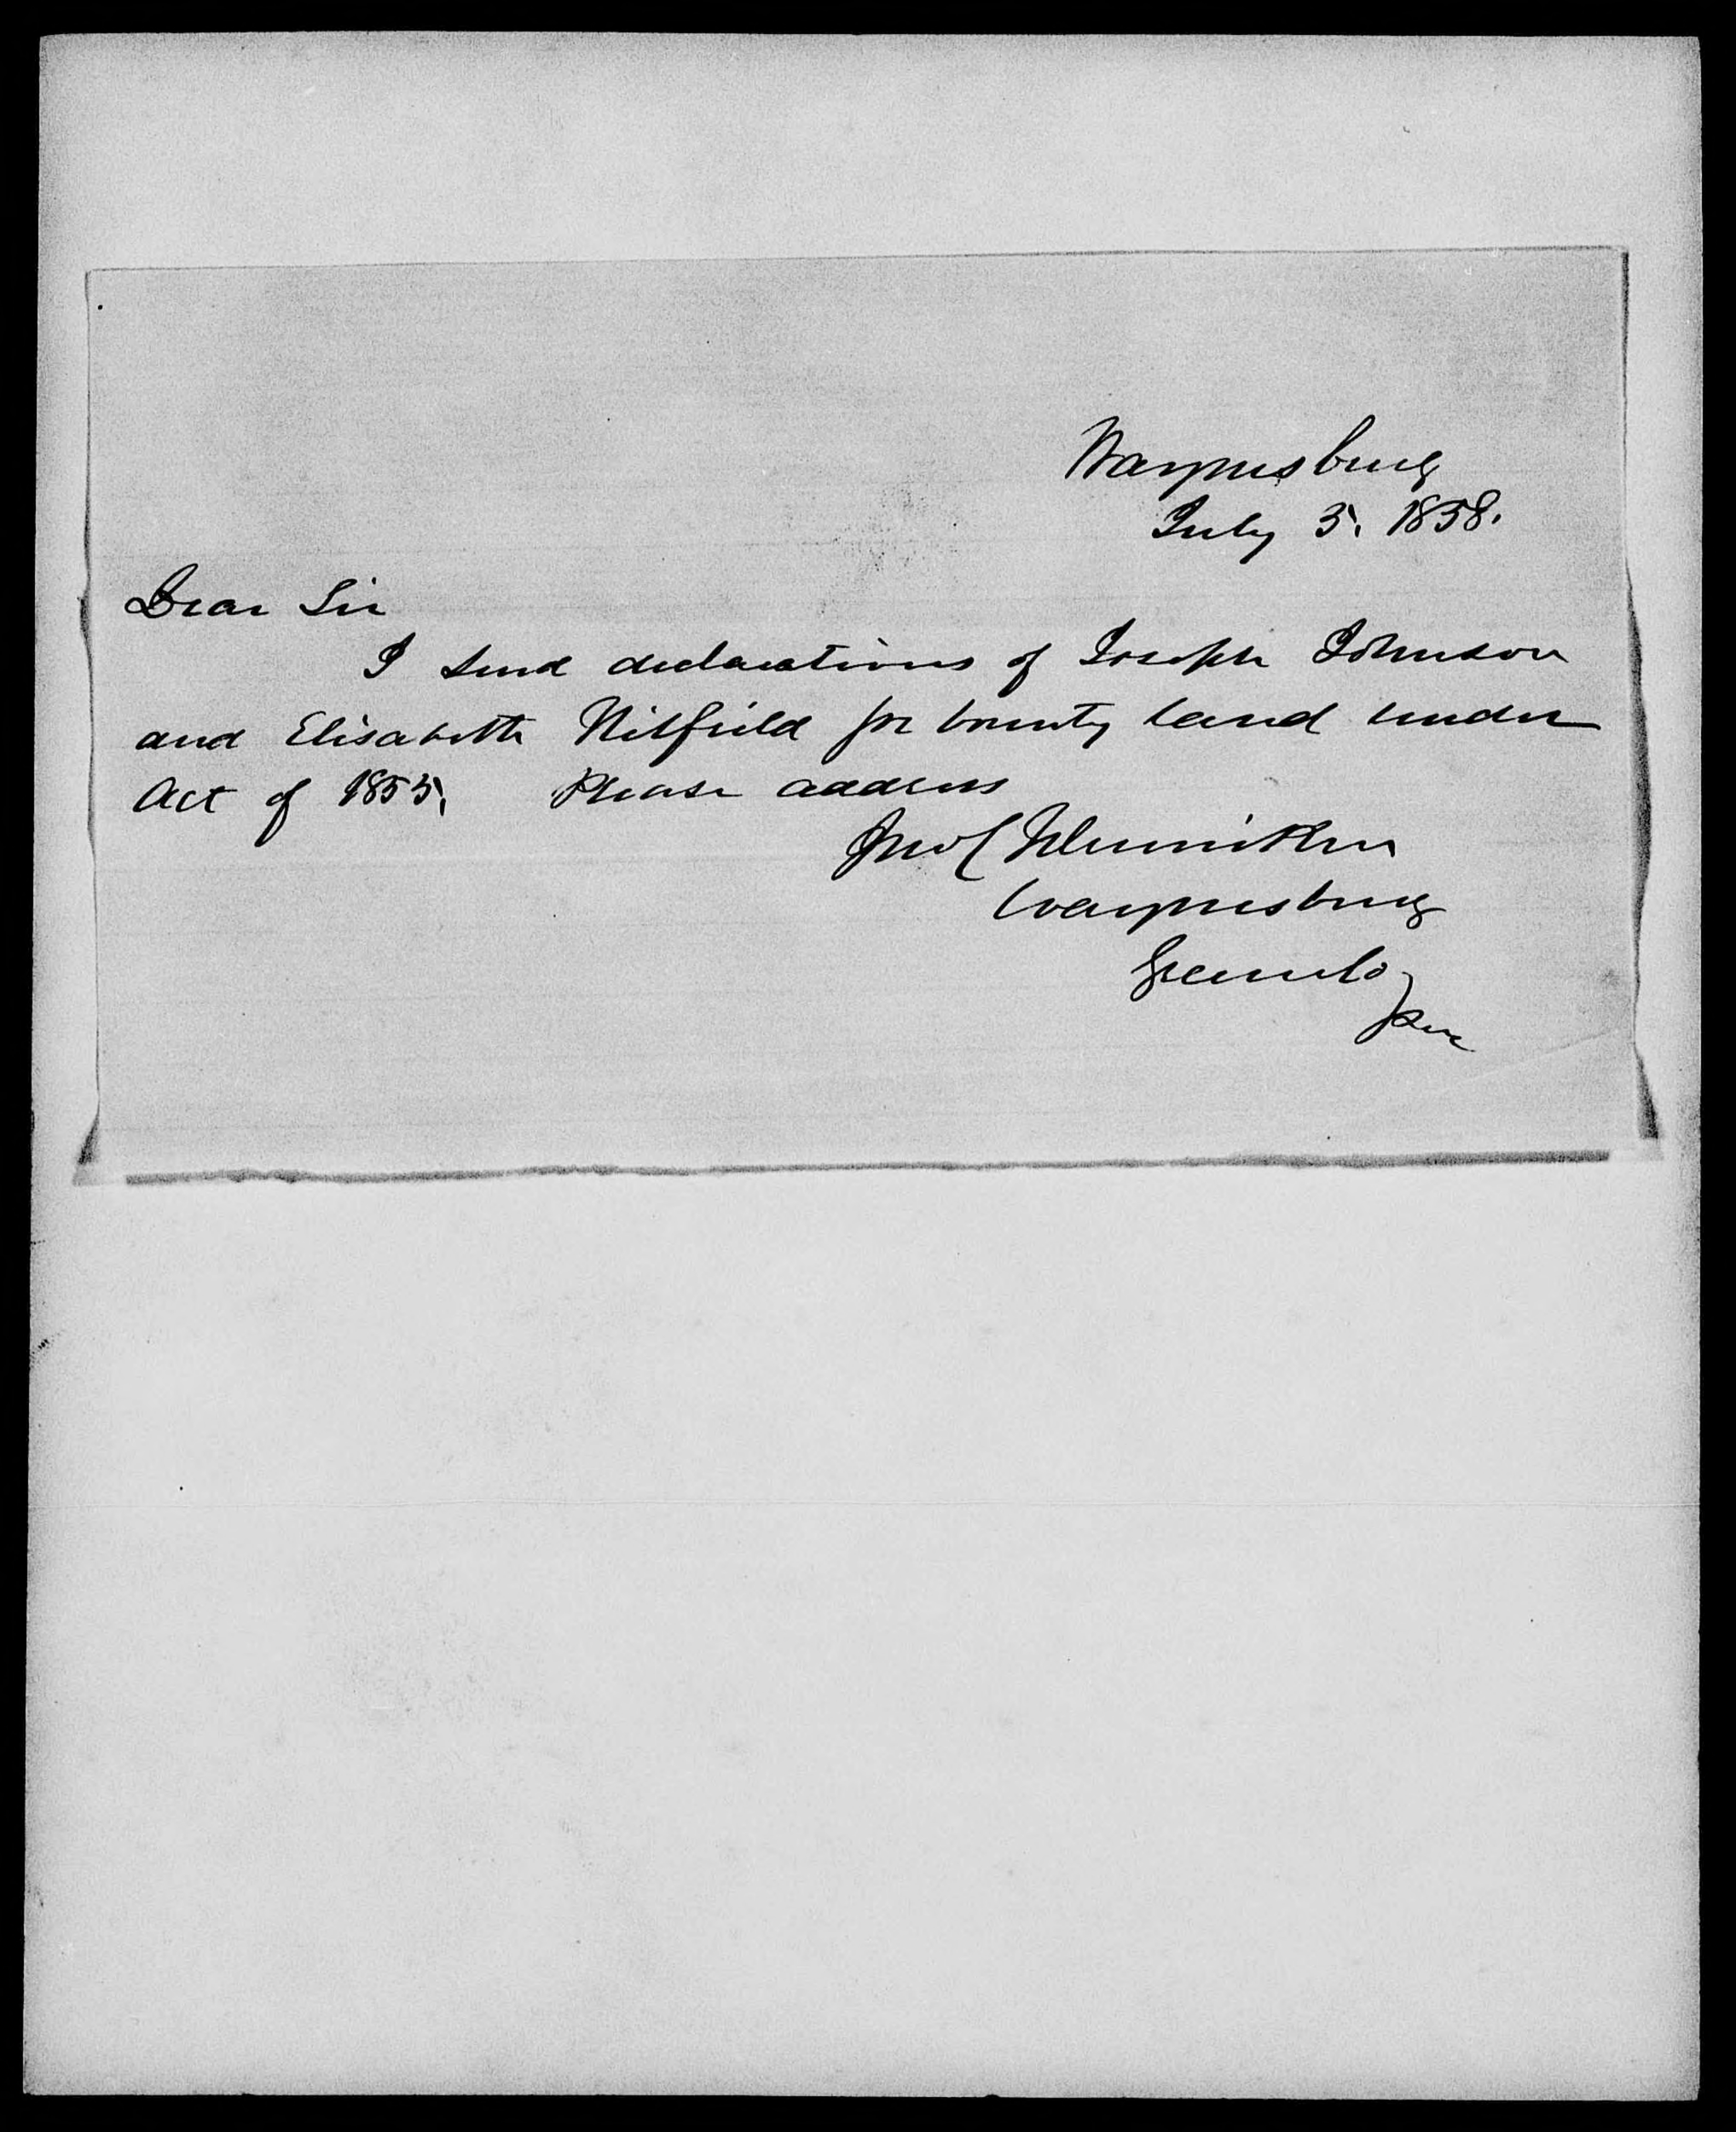Waynesburg
July 3. 1858

Dear Sir
I send declarations of Joseph Johnson
and Elisabeth Hitfield for bounty land under
Act of 1855. Please address
Jno C Flenniken
Waynesburg
GreeneCo
Pa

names: Joseph Johnson, Elisabeth Hitfield, Jno C Flenniken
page: 29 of 45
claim: widow's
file: W. 2734, Stephen Hetfield, New Jersey